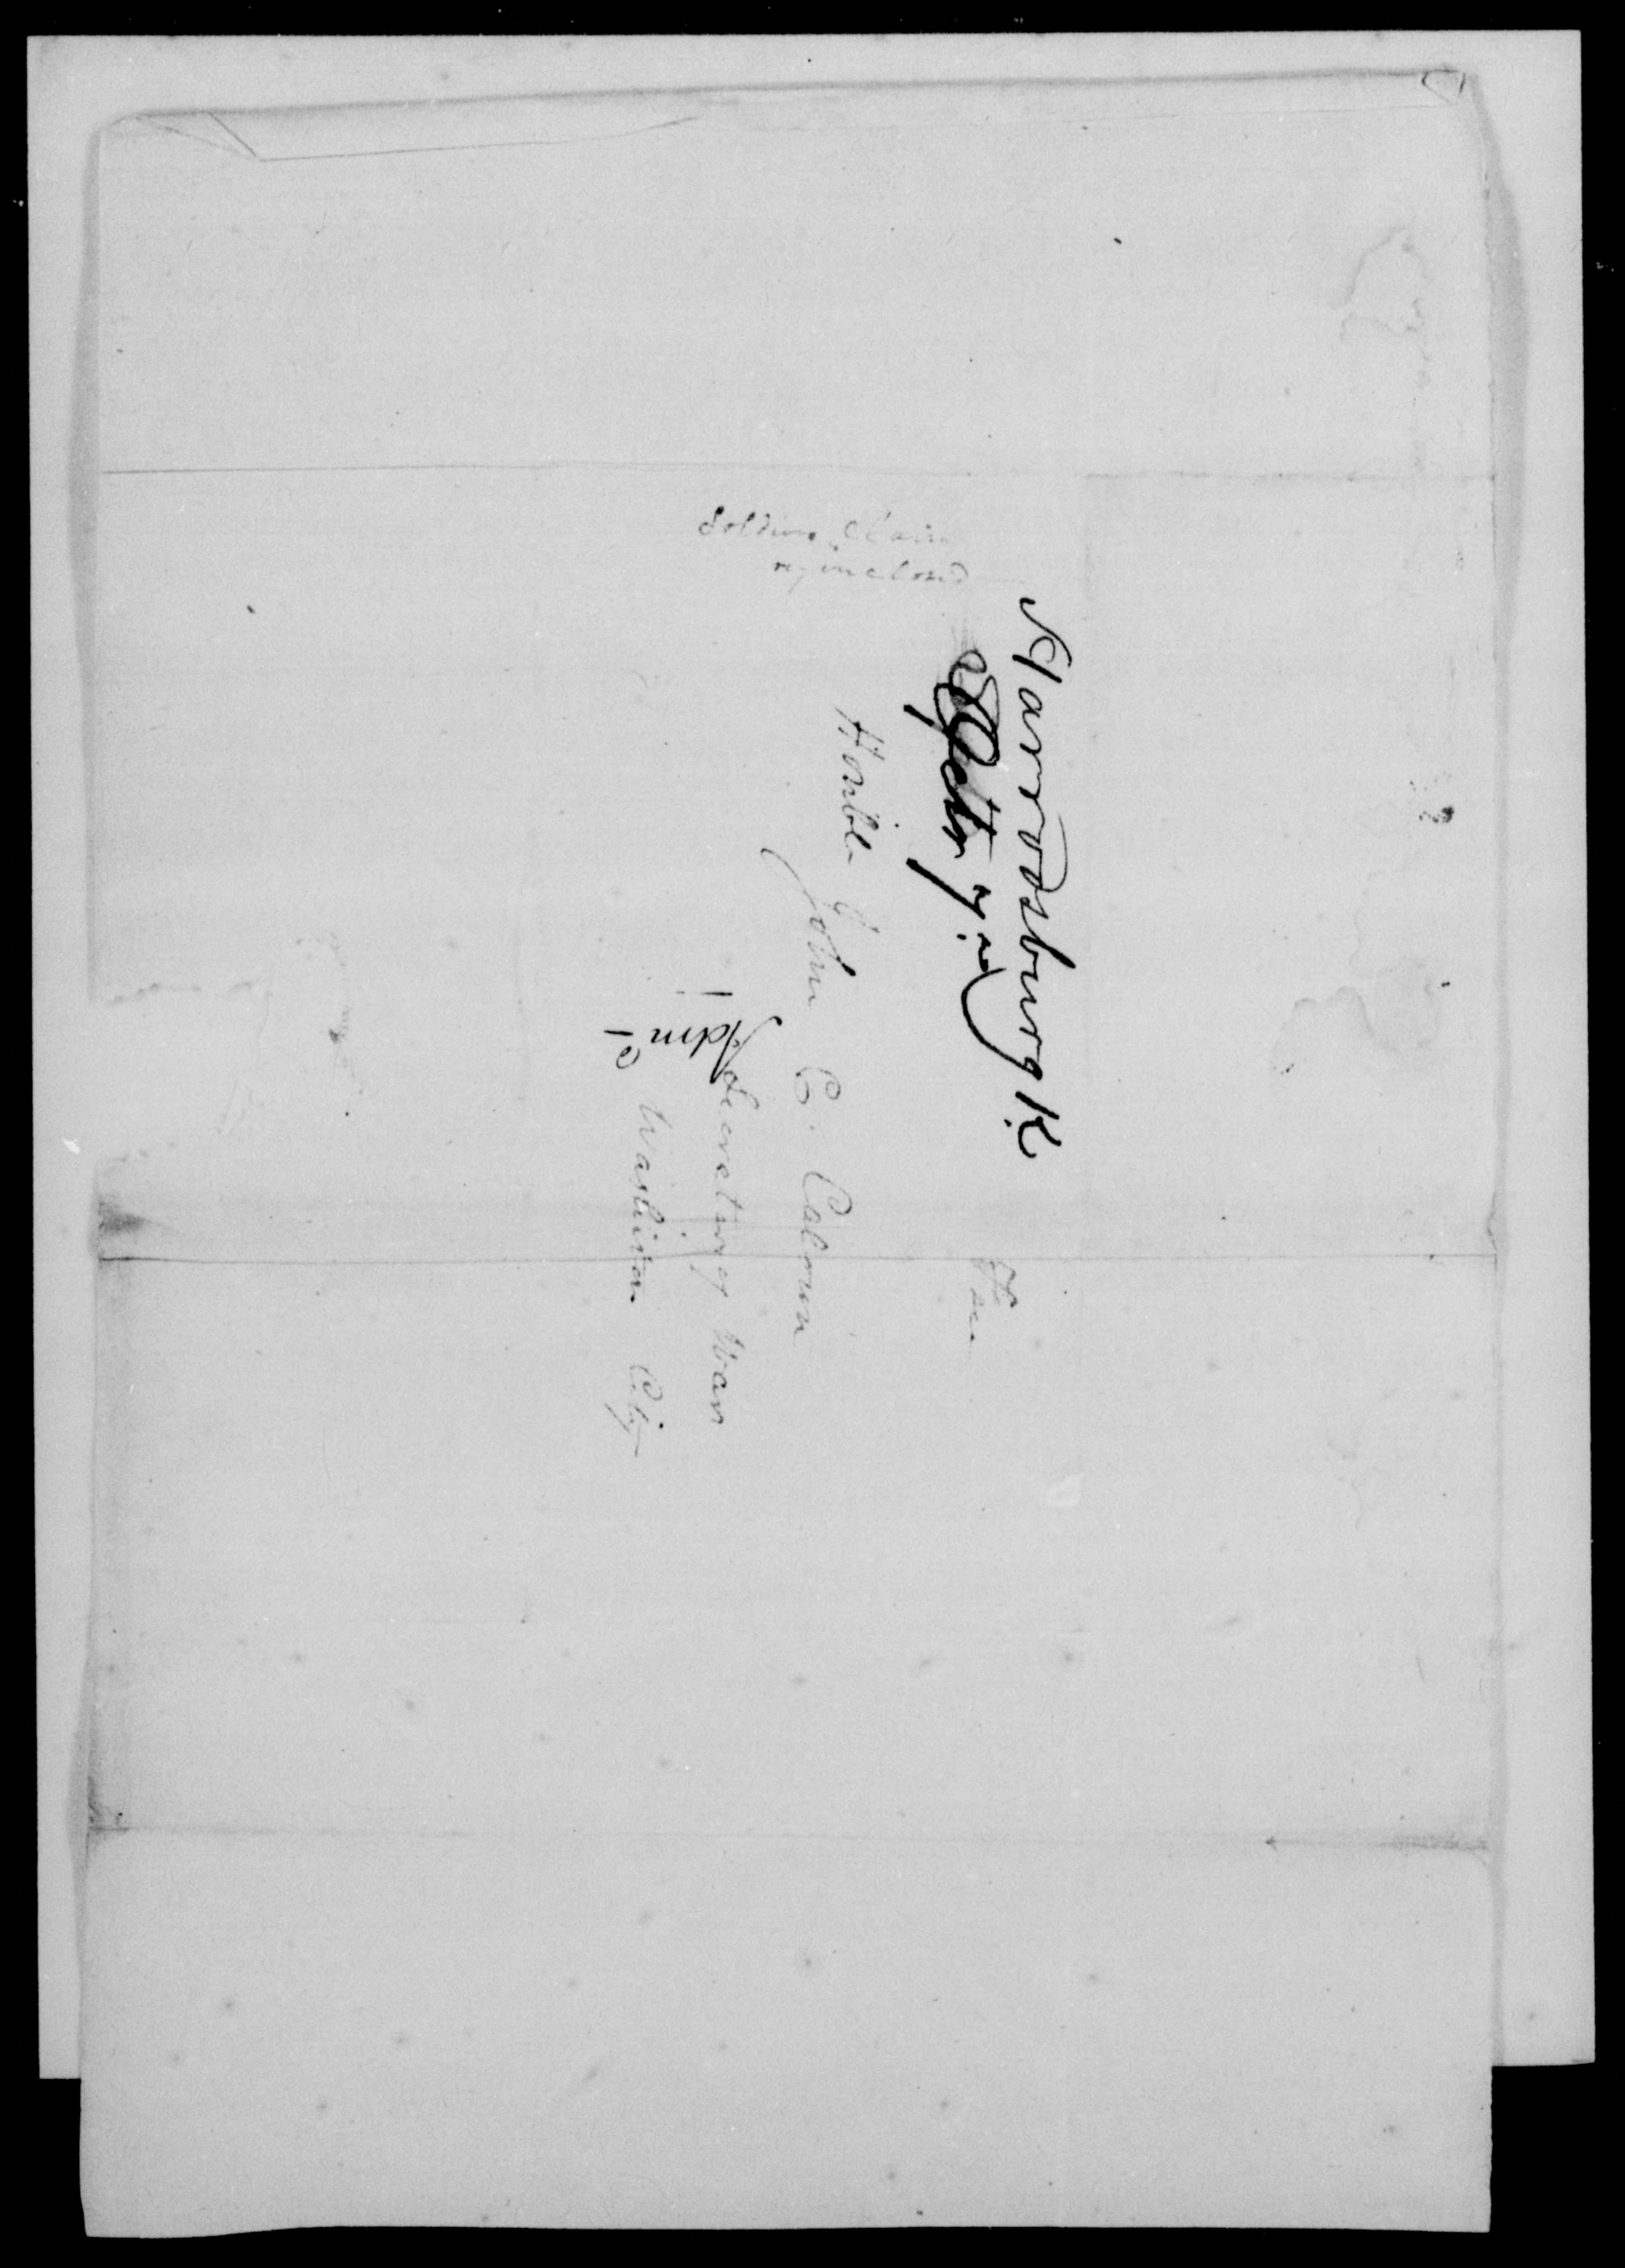Harrodsburg K     Free
Oct'r. 7th

Honorable John C. Coleman
Secretary of War
Washington City

Adm'd

soldiers claim 
rev'y inclosed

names: John E Caloun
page: 11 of 15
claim: survivor's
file: S. 37,435, for George Speak, Virginia